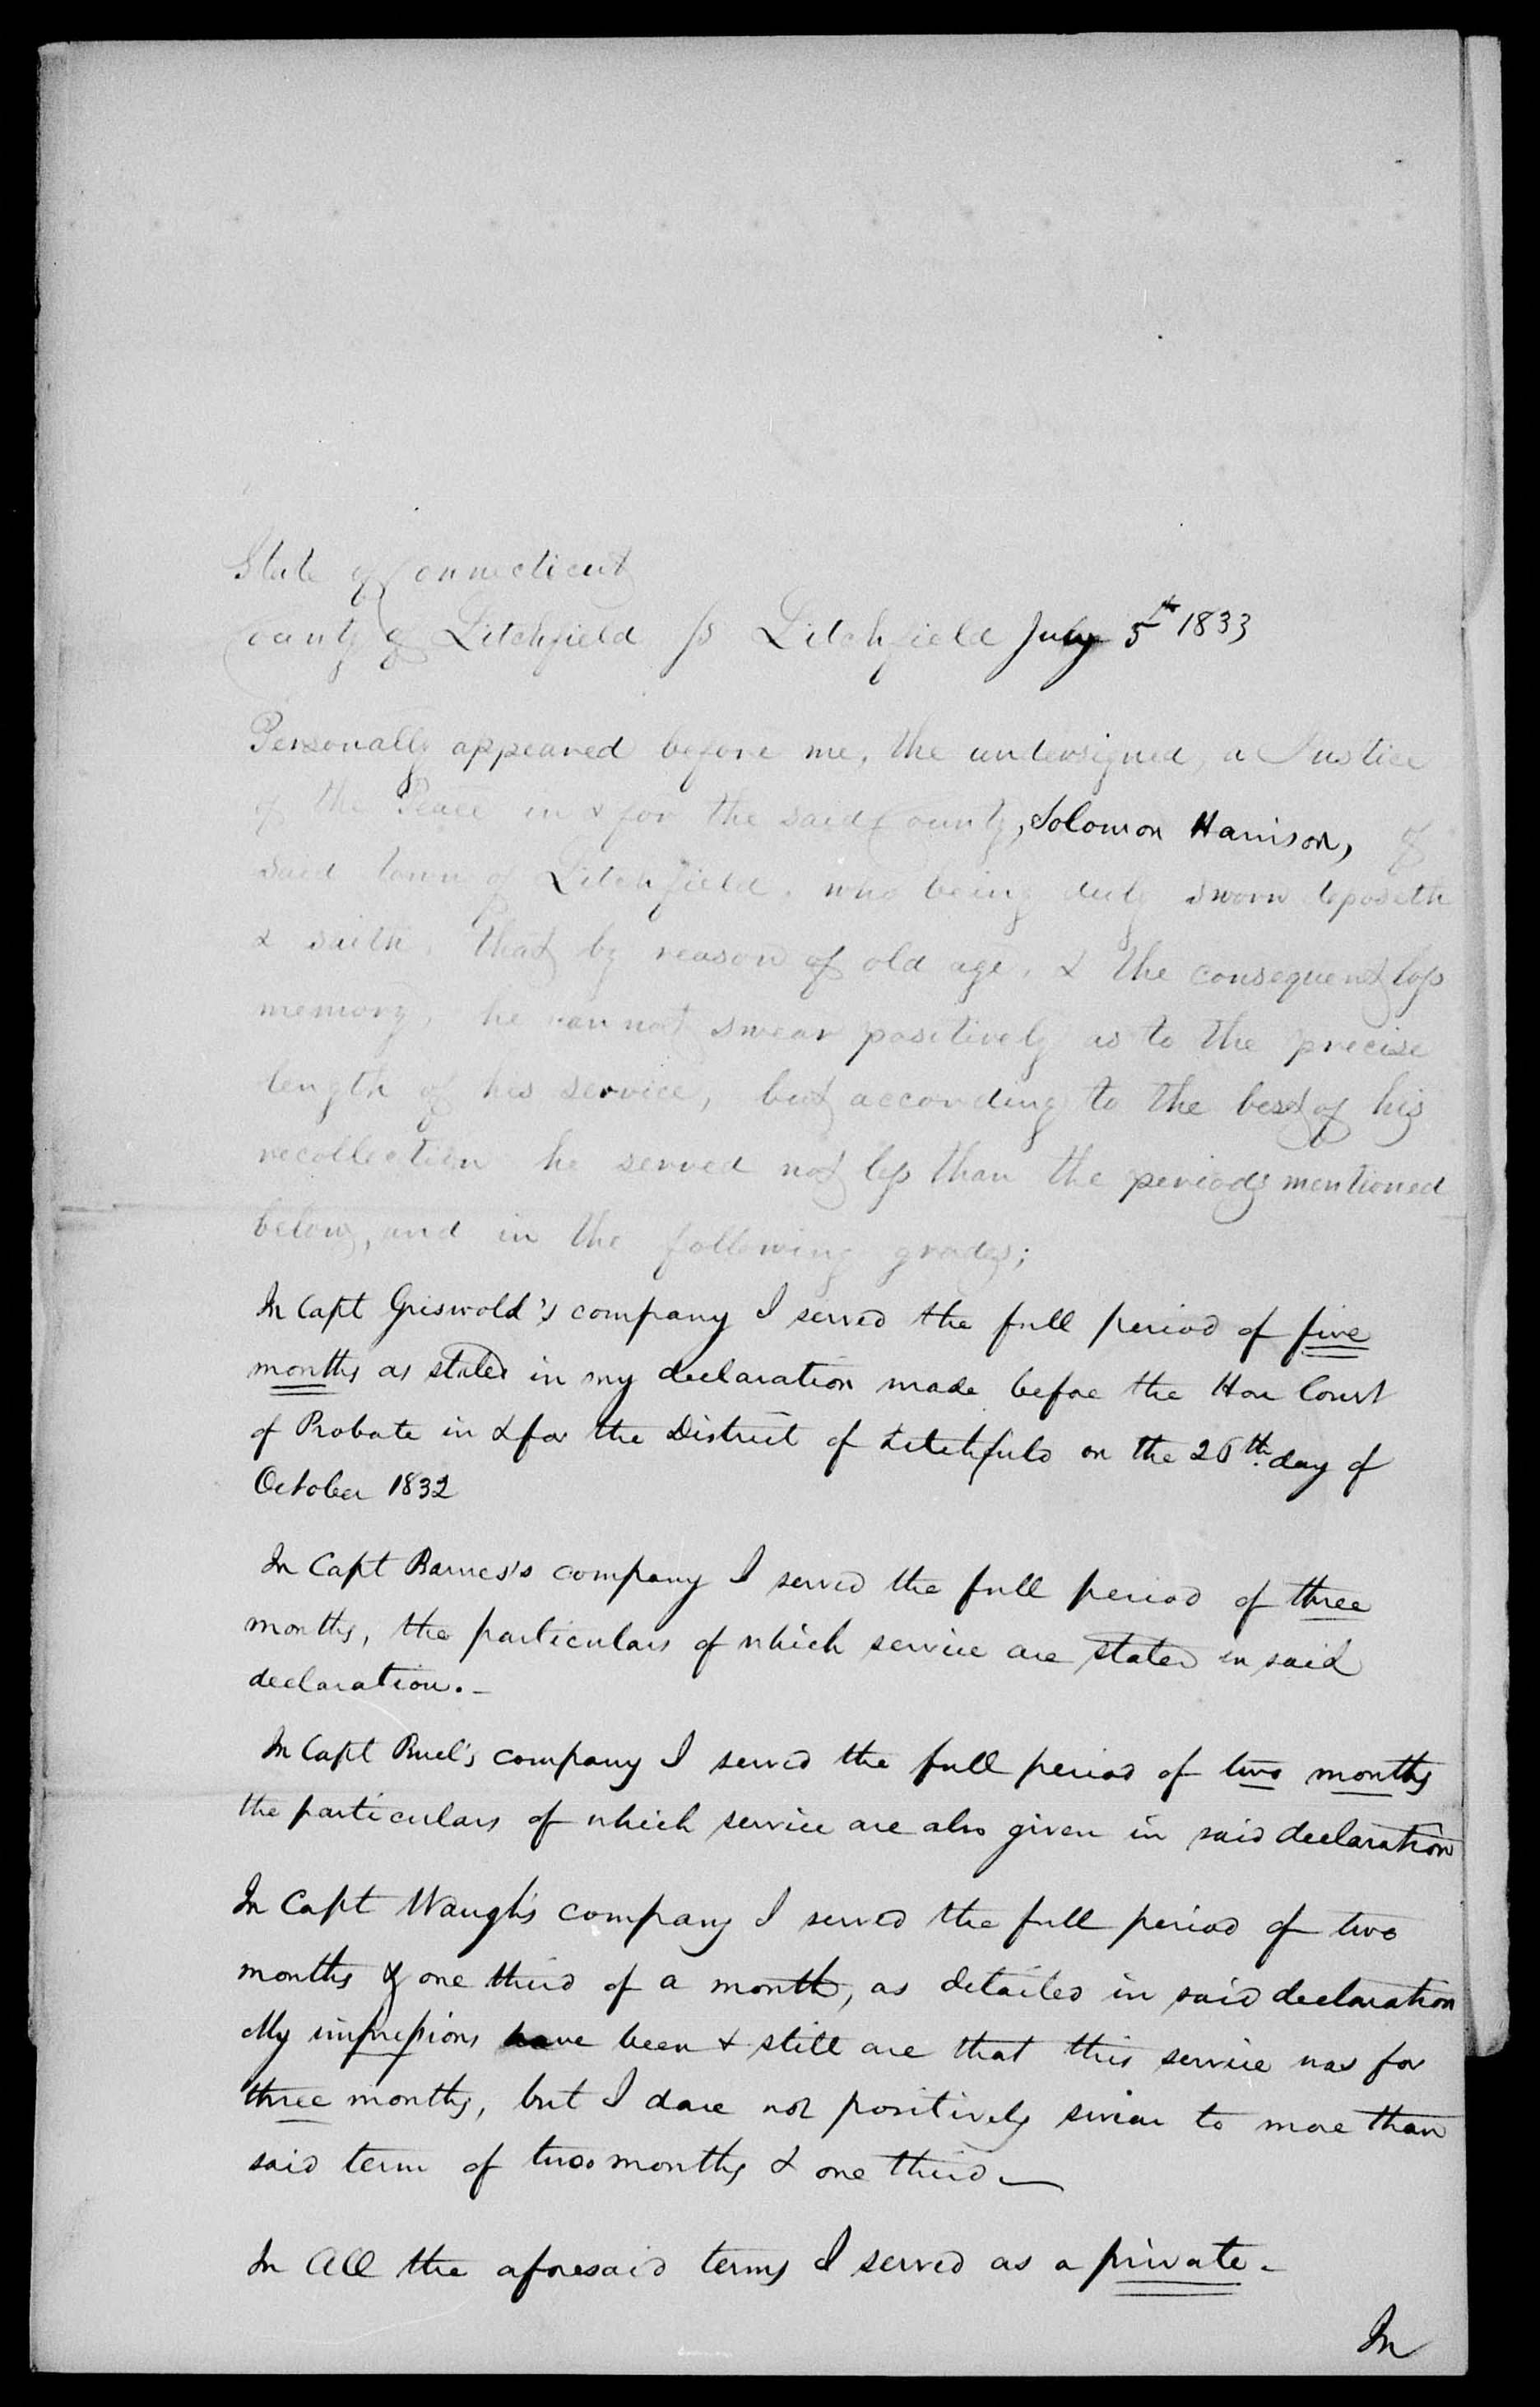State of Connecticut
County of Litchfield ss. Litchfield July 5th 1833
Personally appeared before me, the undersigned, a Justice of the Peace in for the said County, Solomon Harrison, of said town of Litchfield, who being duly sworn deposeth & saith, that by reason of old age, & the consequent loss memory, he cannot swear positively as to the precise length of his service, but according to the best of his recollection he served not less than the periods mentioned below, and in the following grades;
In Capt Griswold's company I served the full period of five months as stated in my declaration made before the Hon Court of Probate in & for the District of Litchfield on the 26th day of October 1832
In Capt Barnes's company I served the full period of three months, the particulars of which service are stated in said declaration.
In Capt Buel's company I served the full period of two months the particulars of which service are also given in said declaration 
In Capt Waugh's company I served the full period of two months & one third of a month, as detailed in said declaration
My impressions have been & still are that this service was for three months, but I dare not positively swear to more than said term of two months & one third -
In all the aforesaid terms I served as a private.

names: Solomon Harrison, Mason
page: 13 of 22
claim: survivor's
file: S. 16137, Solomon Harrison, Conn.